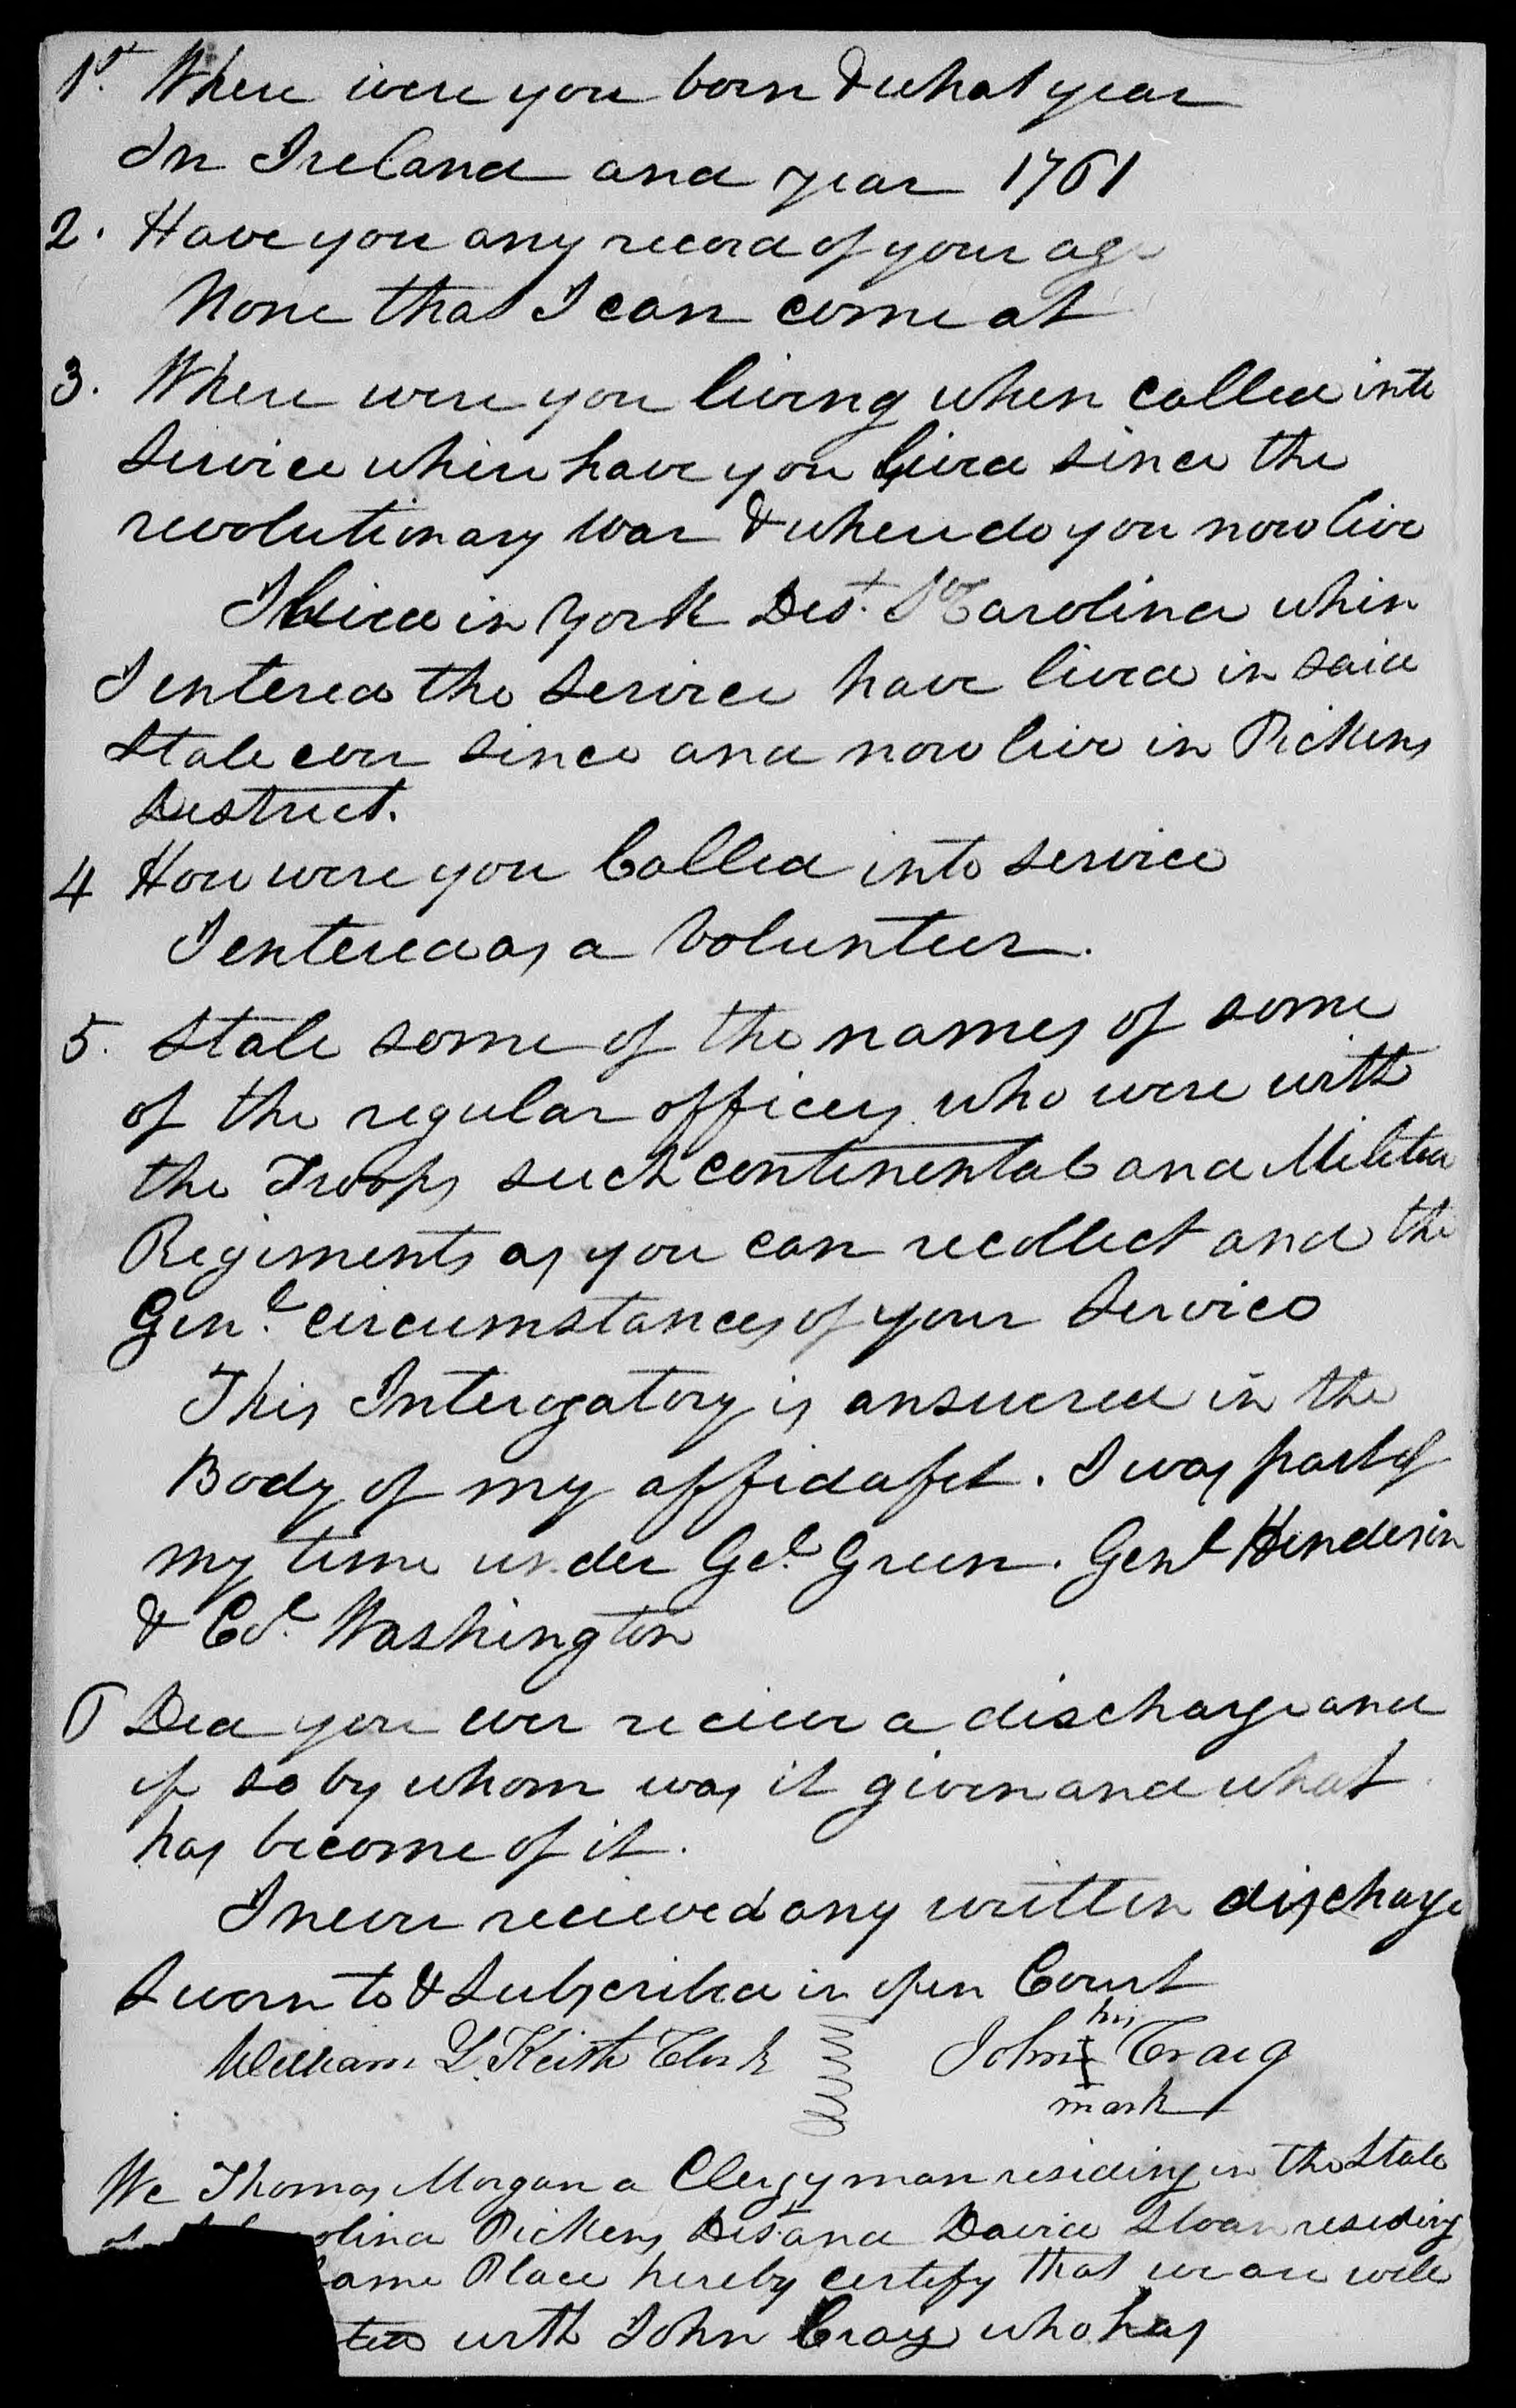1st. Where were you born & what year 
  In Ireland and year 1761

2. Have you any record of your age?
   None that I can come at

3. Where were you living when called into service 
   where have you lived since the revolutionary 
   war & where do you now live
  I lived in York Dist So Carolina when I entered the service ever since and now live in Pickens District

4. How were you called into service
  I entered as a volunteer

5. State some of the names of some of the regular officers who were with the troops such continental and Militia Regiments as you can recollect and the genl circumstances of your service.
   This Interogatory is answered in the Body of my affidafit. I was partly my term under Gel. Green Genl. Henderson & Col. Washington

6 Did you ever recieve a discharge and if so by whom as it given and what has become of it
  I never recieved any written discharge.

Sworn to & Subscribed in open Court
William L. Keith Clerk    John (his x mark) Craig

We Thomas Morgan a Clergyman residing in the State of [corner torn off page] Carolina Dickens Dist and Dairce Sloan residing ---same place herby certify that we are well -----ed with John Craig who has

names: William L Keith, John Craig, John Craig, Washington, Thomas Morgan, Green, Henderin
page: 5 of 55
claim: widow's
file: W. 22864, John Craig, S.C. Born In Iceland